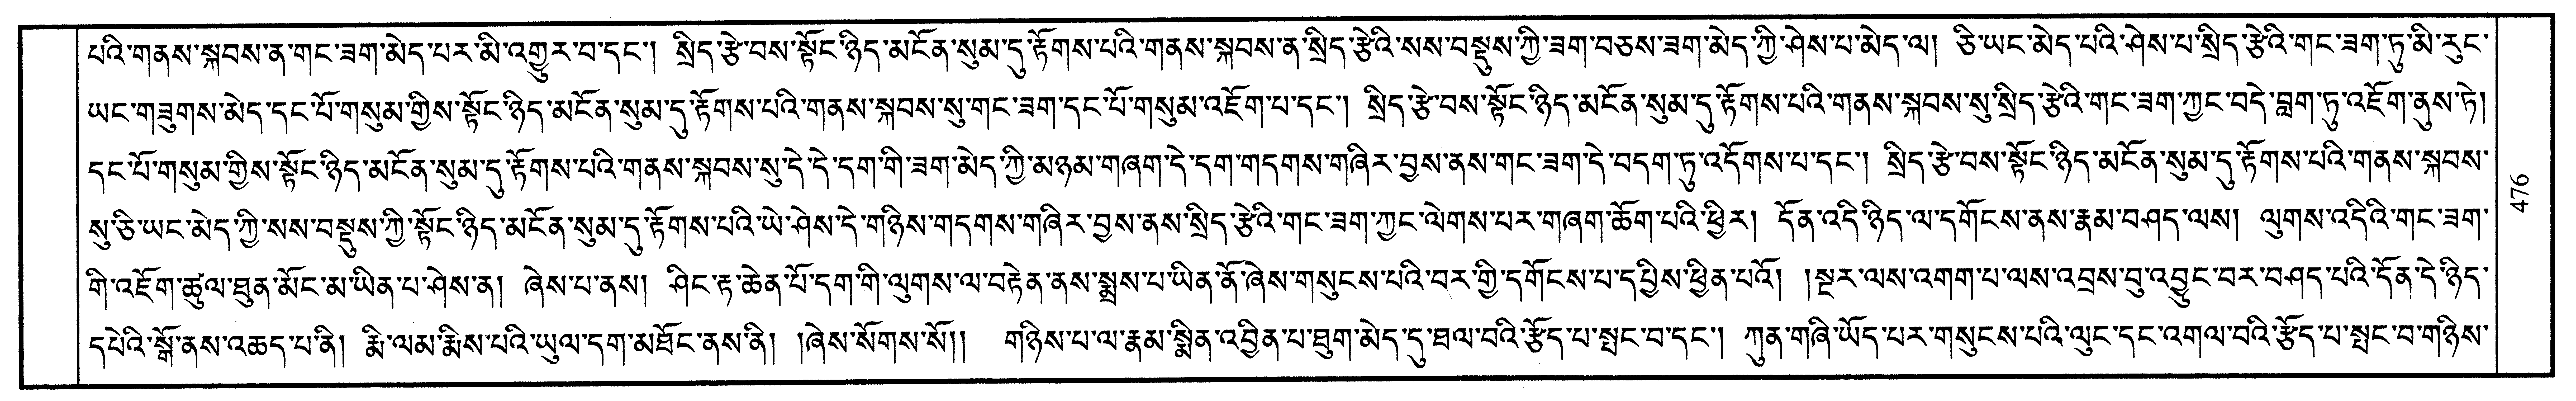པའི་གནས་སྐབས་ན་གང་ཟག་མེད་པར་མི་འགྱུར་བ་དང་། སྲིད་རྩེ་བས་སྟོང་ཉིད་མངོན་སུམ་དུ་རྟོགས་པའི་གནས་སྐབས་ན་སྲིད་རྩེའི་སས་བསྡུས་ཀྱི་ཟག་བཅས་ཟག་མེད་ཀྱི་ཤེས་པ་མེད་ལ། ཅི་ཡང་མེད་པའི་ཤེས་པ་སྲིད་རྩེའི་གང་ཟག་ཏུ་མི་རུང་
ཡང་གཟུགས་མེད་དང་པོ་གསུམ་གྱིས་སྟོང་ཉིད་མངོན་སུམ་དུ་རྟོགས་པའི་གནས་སྐབས་སུ་གང་ཟག་དང་པོ་གསུམ་འཇོག་པ་དང་། སྲིད་རྩེ་བས་སྟོང་ཉིད་མངོན་སུམ་དུ་རྟོགས་པའི་གནས་སྐབས་སུ་སྲིད་རྩེའི་གང་ཟག་ཀྱང་བདེ་བླག་ཏུ་འཇོག་ནུས་ཏེ།
དང་པོ་གསུམ་གྱིས་སྟོང་ཉིད་མངོན་སུམ་དུ་རྟོགས་པའི་གནས་སྐབས་སུ་དེ་དེ་དག་གི་ཟག་མེད་ཀྱི་མཉམ་གཞག་དེ་དག་གདགས་གཞིར་བྱས་ནས་གང་ཟག་དེ་བདག་ཏུ་འདོགས་པ་དང་། སྲིད་རྩེ་བས་སྟོང་ཉིད་མངོན་སུམ་དུ་རྟོགས་པའི་གནས་སྐབས་
སུ་ཅི་ཡང་མེད་ཀྱི་སས་བསྡུས་ཀྱི་སྟོང་ཉིད་མངོན་སུམ་དུ་རྟོགས་པའི་ཡེ་ཤེས་དེ་གཉིས་གདགས་གཞིར་བྱས་ནས་སྲིད་རྩེའི་གང་ཟག་ཀྱང་ལེགས་པར་གཞག་ཆོག་པའི་ཕྱིར། དོན་འདི་ཉིད་ལ་དགོངས་ནས་རྣམ་བཤད་ལས། ལུགས་འདིའི་གང་ཟག་
གི་འཇོག་ཚུལ་ཐུན་མོང་མ་ཡིན་པ་ཤེས་ན། ཞེས་པ་ནས། ཤིང་རྟ་ཆེན་པོ་དག་གི་ལུགས་ལ་བརྟེན་ནས་སྨྲས་པ་ཡིན་ནོ་ཞེས་གསུངས་པའི་བར་གྱི་དགོངས་པ་དཔྱིས་ཕྱིན་པའོ། །སྔར་ལས་འགག་པ་ལས་འབྲས་བུ་འབྱུང་བར་བཤད་པའི་དོན་དེ་ཉིད་
དཔེའི་སྒོ་ནས་འཆད་པ་ནི། རྨི་ལམ་རྨིས་པའི་ཡུལ་དག་མཐོང་ནས་ནི། །ཞེས་སོགས་སོ།། གཉིས་པ་ལ་རྣམ་སྨིན་འབྱིན་པ་ཐུག་མེད་དུ་ཐལ་བའི་རྩོད་པ་སྤང་བ་དང་། ཀུན་གཞི་ཡོད་པར་གསུངས་པའི་ལུང་དང་འགལ་བའི་རྩོད་པ་སྤང་བ་གཉིས་